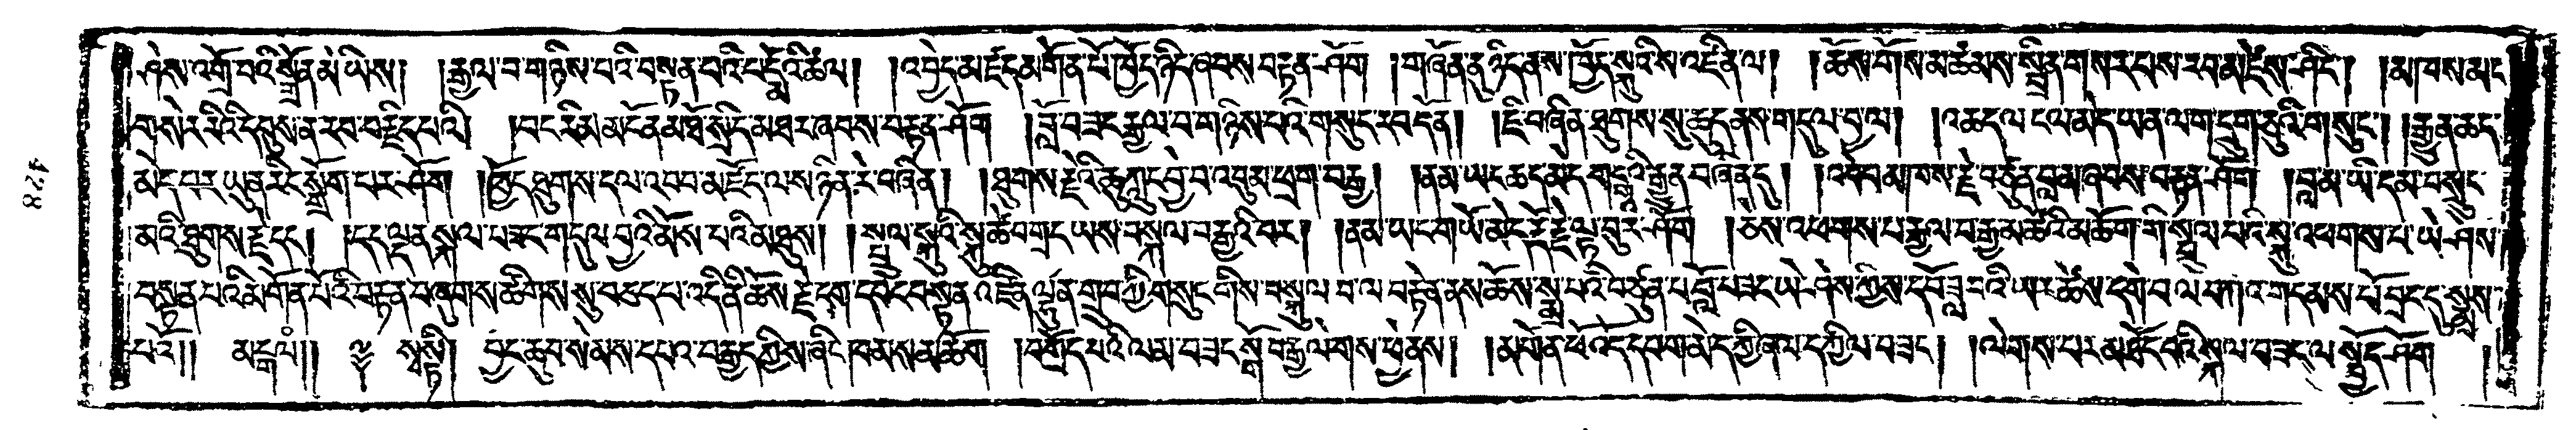ཤེས་འགྲོ་བའི་སྒྲོན་མེ་ཡིས། །རྒྱལ་བ་གཉིས་པའི་བསྟན་བའི་པདམོའི་ཚལ། །འབྱེད་མཛད་མགོན་པོ་ཁྱོད་ཉིད་ཞབས་བརྟན་ཤོག །གཞོན་ནུ་ཉིད་ནས་ཁྱོད་སྐུའི་ས་འཛིན་ལ། །ཆོས་གོས་མཚམས་སྦྲིན་གསར་པས་རབ་མཛེས་ཤིང་། །མཁས་མང་
གསེར་རིའི་དབུས་ན་རབ་བརྗིད་པའི། །བང་རིམ་མངོན་མཐོ་སྲིད་མཐར་ཞབས་བརྟན་ཤོག །བློ་བཟང་རྒྱལ་བ་གཉིས་པའི་གསུང་རབ་དོན། །ཇི་བཞིན་ཐུགས་སུ་ཆུད་ནས་གདུལ་བྱ་ལ། །འཆད་ལ་ངལ་མེད་ཡན་ལག་དྲུག་ཅུའི་གསུང་། །རྒྱུན་ཆད་
མེད་པར་ཡུན་རིང་སྒྲོག་པར་ཤོག །ཁྱོད་ཐུགས་དཔལ་འབབ་མཛོད་ལས་ཉིན་རེ་བཞིན། །ཐུགས་རྗེའི་ཆུ་ཀླུང་བྱེ་བ་འབུམ་ཕྲག་བརྒྱ། །ནམ་ཡང་ཆད་མེད་གངྒའི་རྒྱུན་བཞིན་དུ། །འབེབ་མཁས་རྗེ་བཙུན་བླ་མ་ཞབས་བརྟན་ཤོག །བླ་མ་ཡི་དམ་བསྲུང་
མའི་ཐུགས་རྗེ་དང་། །དད་ལྡན་སྐལ་བཟང་གདུལ་བྱའི་མོས་པའི་མཐུས། །སྤྲུལ་སྐུའི་སྐུ་ཚེ་བགྲང་ཡས་བསྐལ་བརྒྱའི་བར། །ནམ་ཡང་གཡོ་མེད་རྡོ་རྗེ་ལྟ་བུར་ཤོག །ཅེས་འཕགས་པ་རྒྱལ་བརྒྱ་མཚོའི་མཆོག་གི་སྤྲུལ་པའི་སྐུ་འཕགས་པ་ཡེ་ཤེས་
བསྟན་པའི་མགོན་པོའི་བརྟན་བཞུགས་ཚིགས་སུ་བཅད་པ་འདི་ནི་ཆོས་རྗེ་ངག་དབང་བསྟན་འཛིན་ལྷུན་གྲུབ་ཀྱི་གསུང་གིས་བསྐུལ་བ་ལ་བརྟེན་ནས་ཆོས་སྨྲ་པའི་བཙུན་པ་བློ་བཟང་ཡེ་ཤེས་ཀྱིས་བཟླ་བའི་ཡར་ཚེས་དགེ་བ་ལ་བཀའ་གདམས་པོ་བྲང་དུ་སྨྲས་
པའོ།། མངྒ་ལཾ།། ༈ སྭསྟི། བྱང་ཆུབ་སེམས་དཔའ་བརྒྱད་ཀྱིས་ཞིང་ཁམས་མཆོག །བགྲོད་པའི་ལམ་བཟང་སྒོ་བརྒྱ་ལེགས་ཕྱེ་ནས། །མགོན་ཕོ་འོད་དབག་མེད་ཀྱི་ཞལ་དཀྱིལ་བཟང་། །ལེགས་པར་མཐོང་བའི་སྐལ་བཟང་ལ་སྤྱོད་ཤོག །